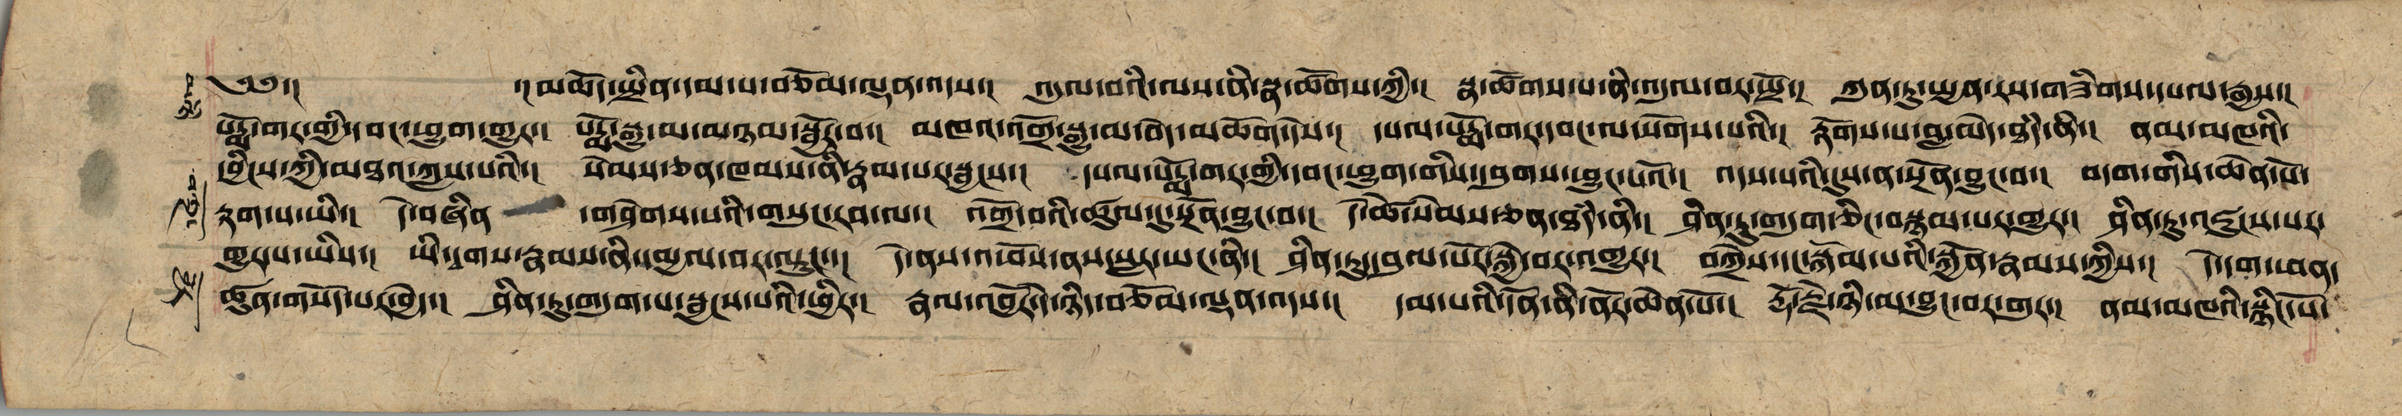༄༅་། ་།མཆོད་སྤྲིན་དམ་པ་བཅོམ་ལྡན་འདས་། འདུལ་བའི་ལས་ནི་སྣ་ཚོགས་ཀྱི་། སྣ་ཚོགས་པ་ནི་འདུལ་བར་སྤྲོ་། ཀུན་ཏུ་སྤྱན་རས་གཟིགས་དཔལ་རྒྱས་།
པདྨོ་གར་གྱི་དབང་ཕྱུག་གྱུར་། པདྨོ་སྒྱུ་མ་མཉམ་སྦྱོར་བ་། མཁའ་འགྲོ་སྒྱུ་མ་བདེ་མཆོག་དེས་། དཔལ་པདྨོ་གར་དབང་ལ་སོགས་པའི་། རྟོགས་པ་བླ་མེད་ཐཾད་ནི་། ནམ་མཁའི་
དབྱིངས་ཀྱི་མཐའ་ཀླས་པའི་། སེམས་ཅན་ཁམས་ནི་རྣམ་པར་སྦྱངས་། དཔལ་པདྨོ་གར་གྱི་དབང་ཕྱུག་གིས་དབུགས་ཕྱུང་པའོ་། འདས་པའི་དུས་ན་སྔོན་བྱུང་བ་། བདག་གིས་ཆེན་པོ་
རྟག་པ་ཡི་། དེ་བཞིན ་གཤེགས་པའི་གསུང་རབ་ལ་། འགྲོ་བའི་ཚུལ་དུ་སྔོན་བྱུང་བ་། དེ་ཚེ་སེམས་ཅན་ཐཾད་ནི་། ཤིན་ཏུ་གདུག་ཅིང་བསྙམ་པར་གྱུར་། ཤིན་ཏུ་འཇུངས་པར་
གྱུར་པ་ཡིས་། ཡི་དྭགས་རྣམས་ནི་དམྱལ་བར་ལྟུང་་། དེ་ནས་འཕོས་ནས་སླར་ཡང་ནི་། ཤིན་ཏུ་དབུལ་པོར་སྐྱེ་བར་འགྱུར་། བཀྲེས་དང་སྐོམ་པའི་སྐྱོན་རྣམས་ཀྱིས་། དེ་དག་ཕན་
ཚུན་གསོད་པར་བྱེད་། ཤིན་ཏུ་གདུག་པ་སྦྱངས་པའི་ཕྱིར་། རྣལ་འབྱོར་དེ་ཉིད་བཅོམ་ལྡན་འདས་། དམ་པའི་དོན་ནི་ནོར་ཆེན་པོ་། རྡོ་རྗེ་ཉི་མ་བྱུང་བར་གུར་། ནམ་མཁའི་སྙིང་པོ་